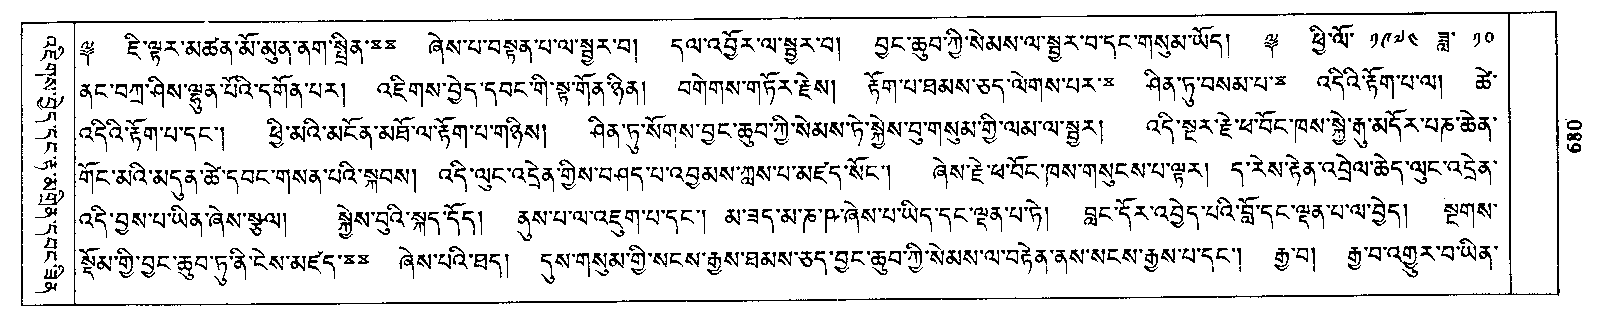༈ ཇི་ལྟར་མཚན་མོ་མུན་ནག་སྤྲིན་྾་྾་ཞེས་པ་བསྟན་པ་ལ་སྦྱར་བ། དལ་འབྱོར་ལ་སྦྱར་བ། བྱང་ཆུབ་ཀྱི་སེམས་ལ་སྦྱར་བ་དང་གསུམ་ཡོད། ༈ ཕྱི་ལོ ༡༩༧༤་ཟླ ༡༠
ནང་བཀྲ་ཤིས་ལྷུན་པོའི་དགོན་པར། འཇིགས་བྱེད་དབང་གི་སྟ་གོན་ཉིན། བགེགས་གཏོར་རྗེས། རྟོག་པ་ཐམས་ཅད་ལེགས་པར་྾་ཤིན་ཏུ་བསམ་པ་྾་འདིའི་རྟོག་པ་ལ། ཚེ་
འདིའི་རྟོག་པ་དང་། ཕྱི་མའི་མངོན་མཐོ་ལ་རྟོག་པ་གཉིས། ཤིན་ཏུ་སོགས་བྱང་ཆུབ་ཀྱི་སེམས་ཏེ་སྐྱེས་བུ་གསུམ་གྱི་ལམ་ལ་སྦྱར། འདི་སྔར་རྗེ་ཕ་བོང་ཁས་སྐྱེ་རྒུ་མདོར་པཎ་ཆེན་
གོང་མའི་མདུན་ཚེ་དབང་གསན་པའི་སྐབས། འདི་ལུང་འདྲེན་གྱིས་བཤད་པ་འབྱམས་ཀླས་པ་མཛད་སོང་། ཞེས་རྗེ་ཕ་བོང་ཁས་གསུངས་པ་ལྟར། ད་རེས་རྟེན་འབྲེལ་ཆེད་ལུང་འདྲེན་
འདི་བྱས་པ་ཡིན་ཞེས་སྩལ། སྐྱེས་བུའི་སྐད་དོད། ནུས་པ་ལ་འཇུག་པ་དང་། མ་ཟད་མ་ཎ་ཥ་ཞེས་པ་ཡིད་དང་ལྡན་པ་ཏེ། བླང་དོར་འབྱེད་པའི་བློ་དང་ལྡན་པ་ལ་བྱེད། སྔགས་
སྡོམ་གྱི་བྱང་ཆུབ་ཏུ་ནི་ངེས་མཛད་྾་྾་ཞེས་པའི་ཐད། དུས་གསུམ་གྱི་སངས་རྒྱས་ཐམས་ཅད་བྱང་ཆུབ་ཀྱི་སེམས་ལ་བརྟེན་ནས་སངས་རྒྱས་པ་དང་། རྒྱ་བ། རྒྱ་བ་འགྱུར་བ་ཡིན་